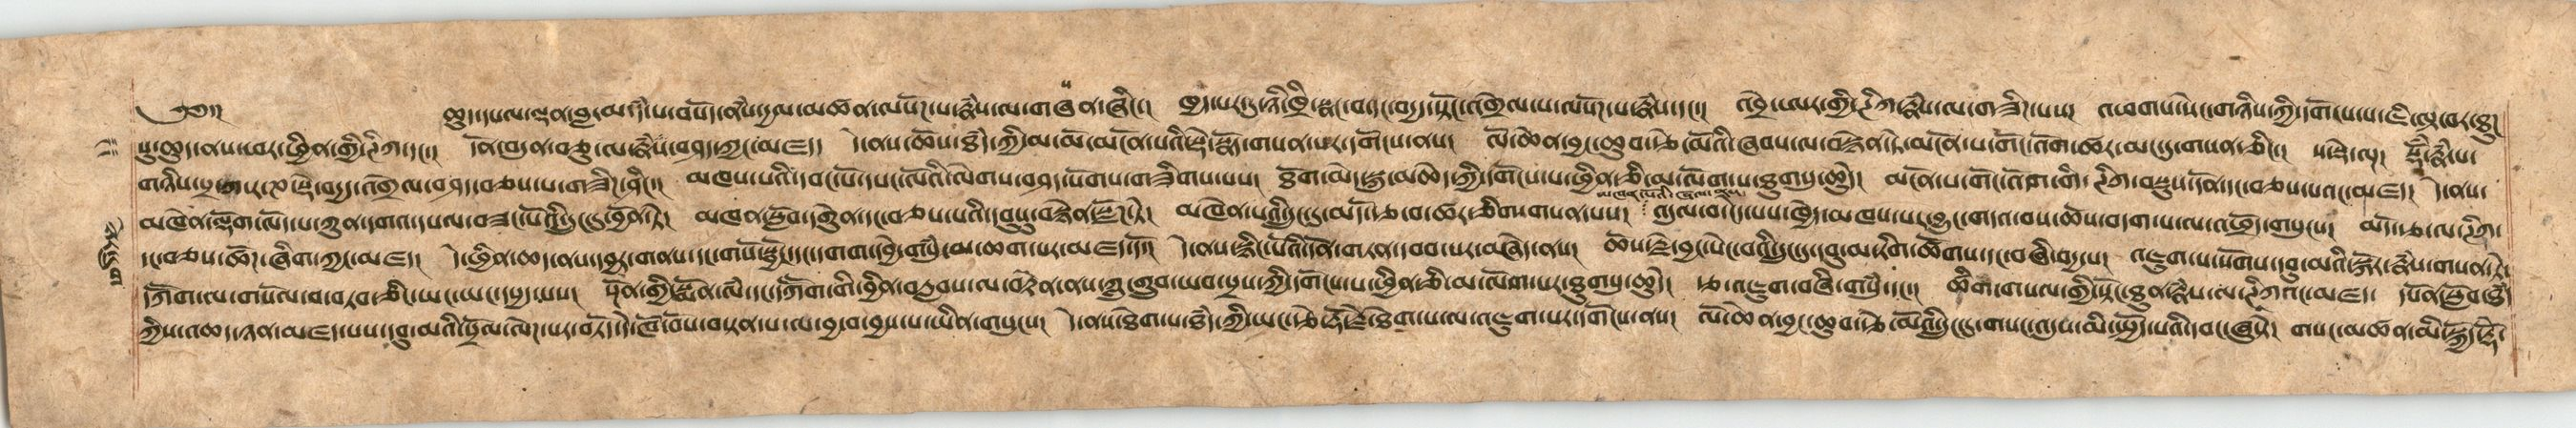ཆུད་དཔལ་ལྡན་བླ་མ་དཾ་པ་བསོད་ནཾས་དྱལ་མཚན་ལསོཌ་པ་རྣཾས་ལ་གཞན་ཞིང་། ཁྱད་པར་དུ་ཉི་ཁྲི་སྣང་བ་དང་བདྱད་སྟོང་འགྲེལ་པ་ལསོཌ་པ་རྣཾས་དང་། འབྲེ་ཨར་གྱི་ཊིཀ་རྣཾས་ལ་གཟིཌ་པས། འཕགས་སེང་གཉིས་ཀྱི་དགོངས་པ་ཇི་ལྟ་བར་ཐུཌ
སུ་ཆུད་ནས་ཕར་ཕྱིན་གྱི་ཊིཀ་དང་། དོན་བདུན་བཅུ་ལ་རྣཾས་བཤད་ཀྱང་མཛད། དེ་ནས་ཆོས་ཐཾད་ཀྱི་མ་མོ་མངོན་པའི་སྡེ་སྣོད་གསན་པར་དགོངས་ནས། ལོ་ཆེན་བྱང་ཆུབ་རྩེ་མོའི་ཞབས་ལ་བསྙེན་ཏེ་མངོན་པ་གོང་འོག་ཚར་མང་དུ་གསན་ཅིང་། ས་སྡེ་ལྔ། སྡོཾ་རྣཾ་པ་
གཉིས་པྲ་ཀ་ར་ཎ་སྡེ་བདྱད་འགྲེལ་བཤད་བཅས་པ་གཟིཌ་ཤིང་། མཁས་པའི་དབང་པོ་དཔང་ལོའི་ལེགས་བཤད་སོགས་གཟིགས་པས། ཐོག་མེད་སྐུ་མཆེད་ཀྱི་དགོངས་པཕྱིན་ཅི་མ་ལོག་པ་ཐུགསུ་ཆེུད། མངོན་པ་གོང་འོག་གི་ཊིཀ་བསྡུས་དོན་དང་བཅས་པའང་མཛད། དེ་ནས་
མཁེན་ལྡོག་ལོད་པ་ཀུན་དགའ་དཔལ་བཟང་པོའི་དྲུང་དུ་བྱོན་ཏེ། མཁན་སློབ་དགེུན་དང་བཅས་པའི་དབུསུ་བསྙེན་སྫོཌ་ཏེ། མཁེན་པའི་དྲུང་དུ་མདོ་རྩ་བ་ཚར་ཅིག་གསན་པས། འདུལ་བ་ངེད་པས་ཁྱེད་མཁས་པར་བྱུང་གདའ་བས་ཆོས་བདག་པ་ལ་འཕྲོད་གསུངས། མདོ་རྩ་ལ་ཊིཀ་
དང་བཅས་ཚོཌ་ཞིག་ཀྱང་མཛད། དེ་ཕྱིན་ཆད་ནས་དབྱར་གནས་དང་གསོ་སྦྱོང་དགག་དབྱེ་གསུཾ་མ་ཆག་པར་མཛད་དོ་། དེ་ནས་སྙིང་པོའི་དོན་གཏན་དབབ་པར་བཞེད་ནས། ཆོས་རྗེ་བྱང་སེང་བའི་དྲུང་དུ་དབུ་མ་རིག་ཚོགས་དང་བཞི་བདྱ་བ། འཇུག་པ་སོགས་དབུ་མའི་སྐོར་རྣཾས་གསན་ཏེ།
དཀཽག་ལ་གསོལ་བ་བཏབ་ཅིང་ཡང་ཡང་དཔྱད་པས། སྔོན་གྱི་སྨོན་ལཾ་དང་དཀཽག་གི་བྱིན་བརླབས་ལ་བརྟེན་ནས་ཀླུ་གྲུབ་ཡབ་སྲས་ཀྱི་དགོངས་པ་ཕྱིན་ཅི་མ་ལོག་པར་ཐུགསུ་ཆེུད། རྩ་འཇུག་བཞི་གསུཾ་དང་། ཚིག་གསལ་གྱི་སྟོང་ཐུན་རྣཾས་ལ་ཊིཀའང་མཛད། དཔོན་སློབ་ཐཾད་
ཀྱིས་འཆད་ཉན་མཛད་པས་དབུ་མའི་སྲོལ་ལེཌ་པར་བཏོད་དེ་ཁོ་བོས་བསྟན་པ་ལ་བྱ་བ་བྱས་པ་ཡིན་གསུངས་། དེ་ནས་ཐེག་པ་ཐཾད་ཀྱི་ཡང་རྩེ་རྡོ་རྗེའི་ཐེག་པ་ལ་འཇུག་པར་དགོངས་ནས། ལོ་ཆེན་བྱང་ཆུབ་རྩེ་མོའི་དྲུང་དུ་གསང་འདུས་མི་སྤྱོད་པའི་དབང་ཞུསྟེ། གསང་མཚན་མི་སྐྱོད་རྡོ་ེ